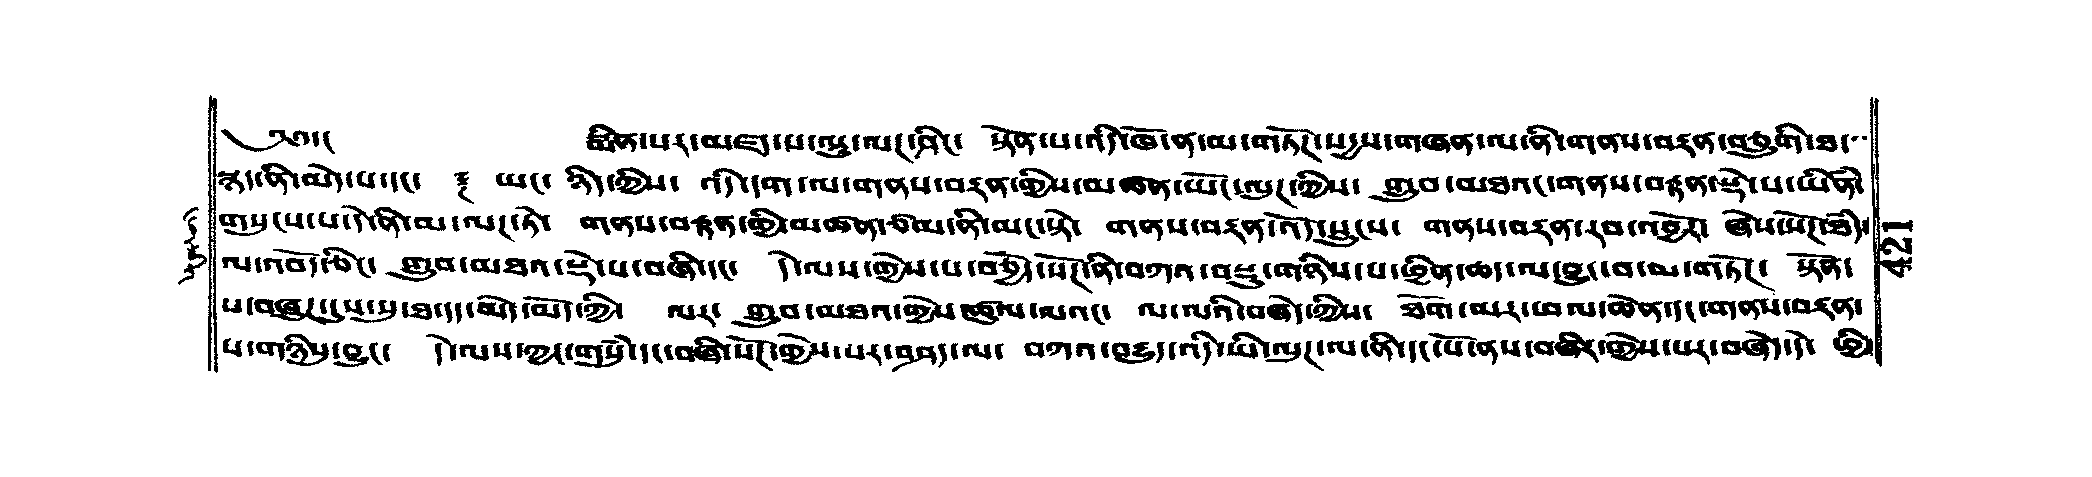སྨིན་པར་མཛད་པ་ལྟ་བུ་ལགས་ཤིང་། སྟོན་པ་འདི་ཁོ་ན་མ་གཏོགས་སངས་རྒྱས་གཞན་ལ་ནི་གནས་བརྟན་བཅུ་དྲུག་གི་ཐ་
སྙད་ནི་མེད་པ་དང་། ཡང་ཉིད་ཀྱི། འདི་དག་ལ་གནས་བརྟན་གྱིས་མཚན་ཡོང་ལུགས་ཀྱིས། གྲུབ་མཐའང་གནས་བརྟན་སྡེ་པ་ཡིན་ནམ་
གསུངས་པ་དེ་ནི་མ་ལགས་ཏེ། གནས་བརྟན་གྱི་མཚན་ཙམ་ནི་མང་སྟེ། གནས་བརྟན་འོད་སྲུངས།གནས་བརྟན་རབ་འབྱོར། ཞེས་སོགས་ཐམས་ཅད་
ལ་འབོད་ཅིང་། གྲུབ་མཐའ་སྡེ་པ་བཞི་དང་། དེ་ལས་གྱེས་པ་བཅོ་བརྒྱད་སོགས་ནི་བཀའ་བསྡུ་གཉིས་པ་ཕྱིན་ཆད་ལ་བྱུང་བ་མ་གཏོགས། སྟོན་
པ་བཞུགས་དུས་སུ་ཐ་དད་མེད་མོད་ཀྱི། ལར་གྲུབ་མཐའ་གྱེས་ཚུལ་ལའང་། ལ་ལའི་བཞེད་ཀྱིས། ཐོག་མར་ཕལ་ཆེན་དང་གནས་བརྟན་
པ་གཉིས་སུ་བྱུང་། དེ་ལས་ཀྱང་གསུམ་དང་བཞི་སོགས་གྱེས་པར་བཤད་ལ། བཀའ་བརྒྱུད་འདི་ཡི་ལུགས་ལ་ནི་དང་པོ་ནས་བཞིར་གྱེས་པར་བཞེད་དོ། ཕྱི་